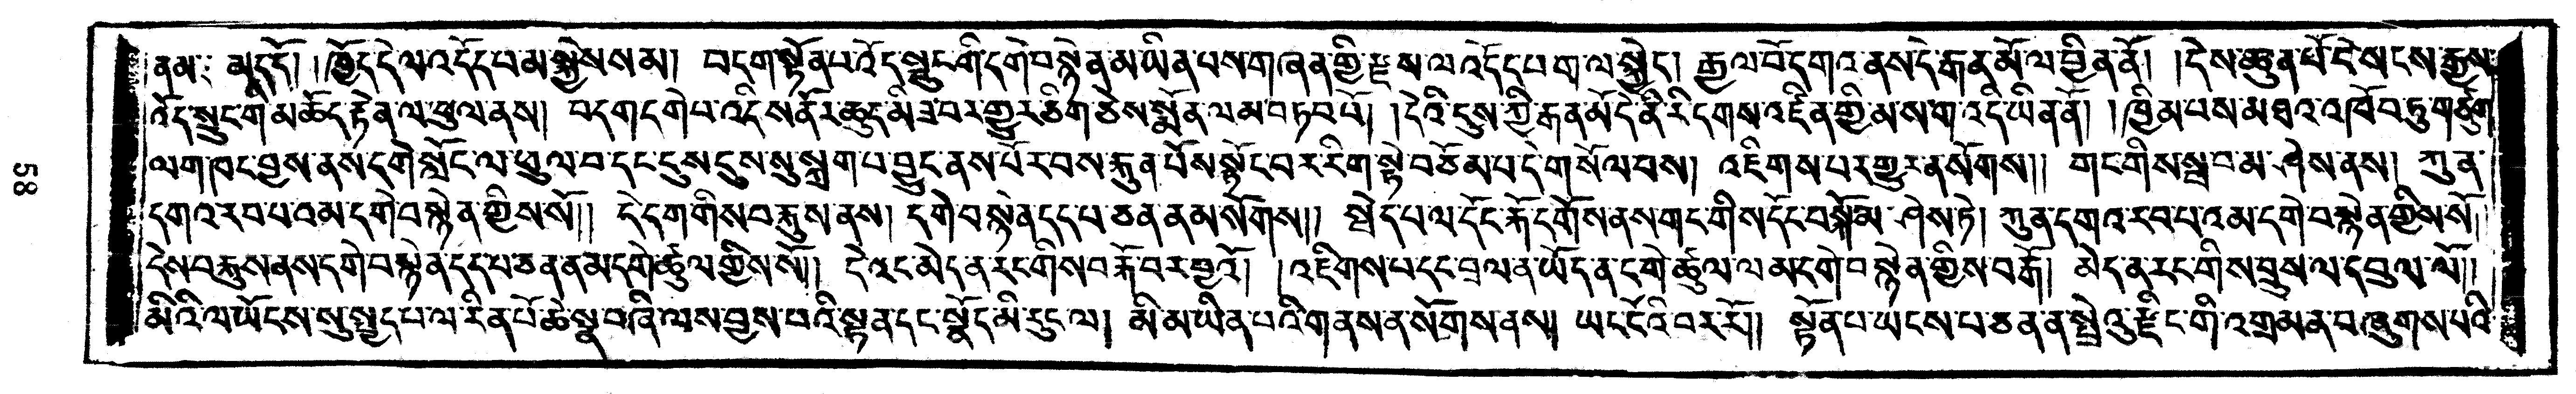ནམ༑ མད་དོ། །ཁྱོད་དེ་ལ་འདོད་པ་མ་སྐྱེས་སམ། བདག་སྟོན་པ་འོད་སྲུང་གི་དགེ་བསྙེན་མ་ཡིན་པས་གཞན་གྱི་རྫས་ལ་འདོད་པ་ག་ལ་སྐྱེད། རྒྱལ་བོ་དགའ་ནས་དེ་རྒན་མོ་ལ་བྱིན་ནོ། །དེས་ཆུན་པོ་དེ་སངས་རྒྱས་
འོད་སྲུང་གི་མཆོད་རྟེན་ལ་ཕུལ་ནས། བདག་དགེ་བ་འདིས་ནོར་ཆུད་མི་ཟ་བར་གྱུར་ཅིག་ཅེས་སྨོན་ལམ་བཏབ་བོ། །དེའི་དུས་ཀྱི་རྒན་མོ་དེ་ནི་རི་དགས་འཛིན་གྱི་མ་ས་ག་འདི་ཡིན་ནོ། །ཁྱིམ་པས་མཐའ་འཁོབ་ཏུ་གཙུག་
ལག་ཁང་བྱས་ནས་དགེ་སློང་ལ་ཕུལ་པ་དང་དུས་དུས་སུ་སྐྲག་པ་བྱུང་ནས་པོར་བས་རྐུན་པོས་སྟོང་པར་རིག་སྟེ་བཅོམ་པ་དེ་གསོལ་པས། འཇིགས་པར་གྱུར་ན་སོགས།། གང་གིས་སྦབ་མ་ཤེས་ནས། ཀུན་
དགའ་རབ་པའམ་དགེ་བསྙེན་གྱིས་སོ། །དེ་དག་གིས་བརྐུས་ནས། དགེ་བསྙེན་དད་པ་ཅན་ནམ་སོགས། །སྦེད་པ་ལ་དོང་རྐོ་དགོས་ནས་གང་གིས་དོང་བསྐོམ་ཤེས་ཏེ། ཀུན་དགའ་རབ་པ་འམ་དགེ་བསྙེན་གྱིས་སོ།
དེས་བརྐུས་ནས་དགེ་བསྙེན་དད་པ་ཅན་ནམ་དགེ་ཚུལ་གྱིས་སོ། །དེའང་མེད་ན་རང་གིས་བརྐོ་བར་བྱའོ། །འཇིགས་པ་དང་བྲལ་ན་ཡོད་ན་དགེ་ཚུལ་ལམ་དགེ་བསྙེན་གྱིས་བརྒོ། མེད་ན་རང་གིས་བྲུས་ལ་དབུལ་ལོ།།
མིའི་ལ་ཡོངས་སུ་སྤྱད་པ་ལ་རིན་པོ་ཆེ་སྣ་བཞི་ལས་བྱས་པའི་སྟན་དང་སྣོད་མི་རུང་ལ། མི་མ་ཡིན་པའི་གནས་ན་སོགས་ནས། ཡང་ངོའི་བར་རོ། །སྟོན་པ་ཡངས་པ་ཅན་ན་སྤྲེའུ་རྫིང་གི་འགྲམ་ན་བཞུགས་པའི་